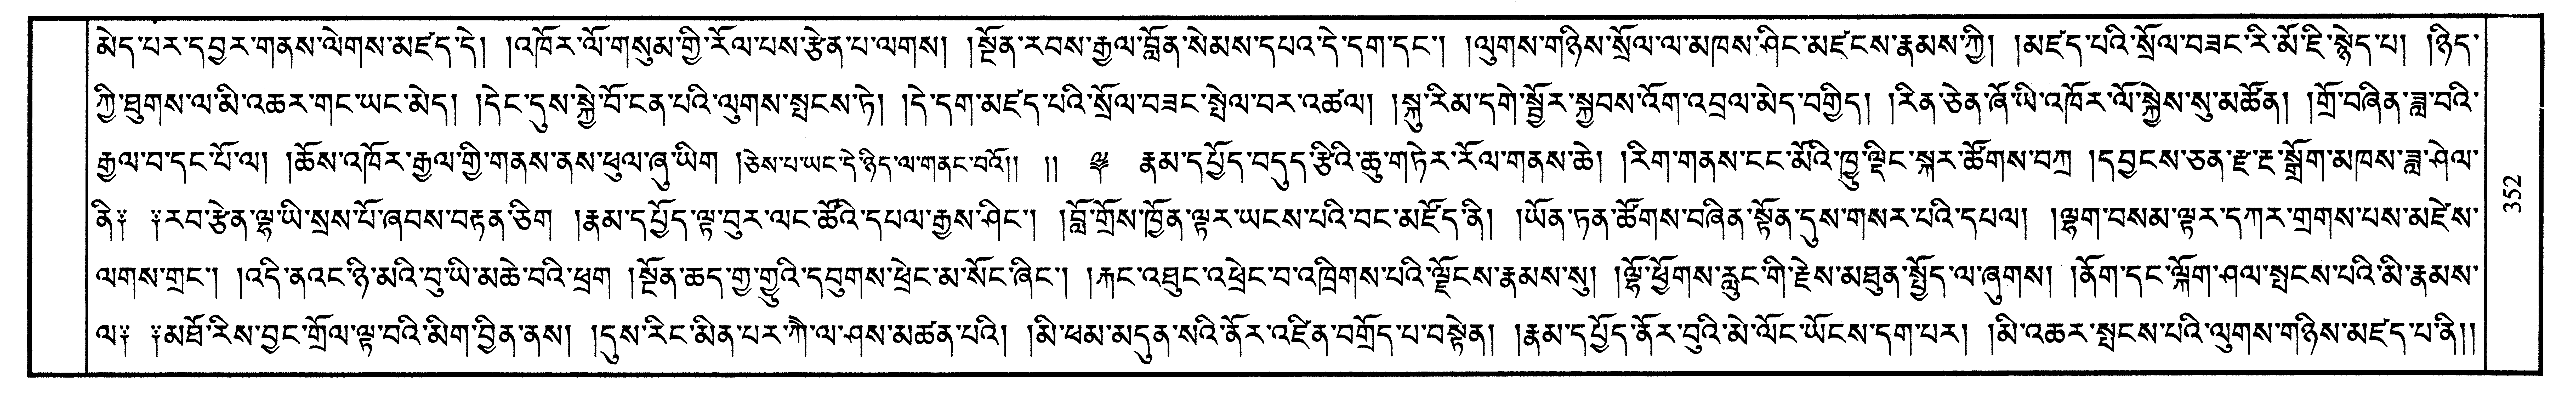མེད་པར་དབྱར་གནས་ལེགས་མཛད་དེ། །འཁོར་ལོ་གསུམ་གྱི་རོལ་པས་རྩེན་པ་ལགས། །སྔོན་རབས་རྒྱལ་བློན་སེམས་དཔའ་དེ་དག་དང་། །ལུགས་གཉིས་སྲོལ་ལ་མཁས་ཤིང་མཛངས་རྣམས་ཀྱི། །མཛད་པའི་སྲོལ་བཟང་རི་མོ་ཇི་སྙེད་པ། །ཉིད་
ཀྱི་ཐུགས་ལ་མི་འཆར་གང་ཡང་མེད། །དེང་དུས་སྐྱེ་བོ་ངན་པའི་ལུགས་སྤངས་ཏེ། །དེ་དག་མཛད་པའི་སྲོལ་བཟང་སྤེལ་བར་འཚལ། །སྐུ་རིམ་དགེ་སྦྱོར་སྐྱབས་འོག་འབྲལ་མེད་བགྱིད། །རིན་ཅེན་ཞོ་ཡི་འཁོར་ལོ་སྐྱེས་སུ་མཚོན། །གྲོ་བཞིན་ཟླ་བའི་
རྒྱལ་བ་དང་པོ་ལ། །ཆོས་འཁོར་རྒྱལ་གྱི་གནས་ནས་ཕུལ་ཞུ་ཡིག །ཅེས་པ་ཡང་དེ་ཉིད་ལ་གནང་བའོ།། །། ༈ རྣམ་དཔྱོད་བདུད་རྩིའི་ཆུ་གཏེར་རོལ་གནས་ཆེ། །རིག་གནས་ངང་མོའི་ཁྱུ་ལྡིང་སྐར་ཚོགས་བཀྲ། །དབྱངས་ཅན་རྫ་རྔ་སྒྲོག་མཁས་ཟླ་ཤེལ་
ནི༑ ༑རབ་རྩེན་ལྷ་ཡི་སྲས་པོ་ཞབས་བརྟན་ཅིག །རྣམ་དཔྱོད་ལྟ་བུར་ལང་ཚོའི་དཔལ་རྒྱས་ཤིང་། །བློ་གྲོས་ཁྱོན་ལྟར་ཡངས་པའི་བང་མཛོད་ནི། །ཡོན་ཏན་ཚོགས་བཞིན་སྟོན་དུས་གསར་པའི་དཔལ། །ལྷག་བསམ་ལྟར་དཀར་གྲགས་པས་མཛེས་
ལགས་གྲང་། །འདི་ནའང་ཉི་མའི་བུ་ཡི་མཆེ་བའི་ཕྲག །སྔོན་ཆད་གྱ་གྱུའི་དབུགས་ཕྲེང་མ་སོང་ཞིང་། །རྐང་འཐུང་འཕྲེང་བ་འཁྲིགས་པའི་ལྗོངས་རྣམས་སུ། །ལྷོ་ཕྱོགས་རླུང་གི་རྗེས་མཐུན་སྤྱོད་ལ་ཞུགས། །ནོག་དང་ལྐོག་ཤལ་སྤངས་པའི་མི་རྣམས་
ལ༑ ༑མཐོ་རིས་བྱང་གྲོལ་ལྟ་བའི་མིག་བྱིན་ནས། །དུས་རིང་མིན་པར་ཀཻ་ལ་ཤས་མཚན་པའི། །མི་ཕམ་མདུན་སའི་ནོར་འཛིན་བགྲོད་པ་བསྟེན། །རྣམ་དཔྱོད་ནོར་བུའི་མེ་ལོང་ཡོངས་དག་པར། །མི་འཆར་སྤངས་པའི་ལུགས་གཉིས་མཛད་པ་ནི།།